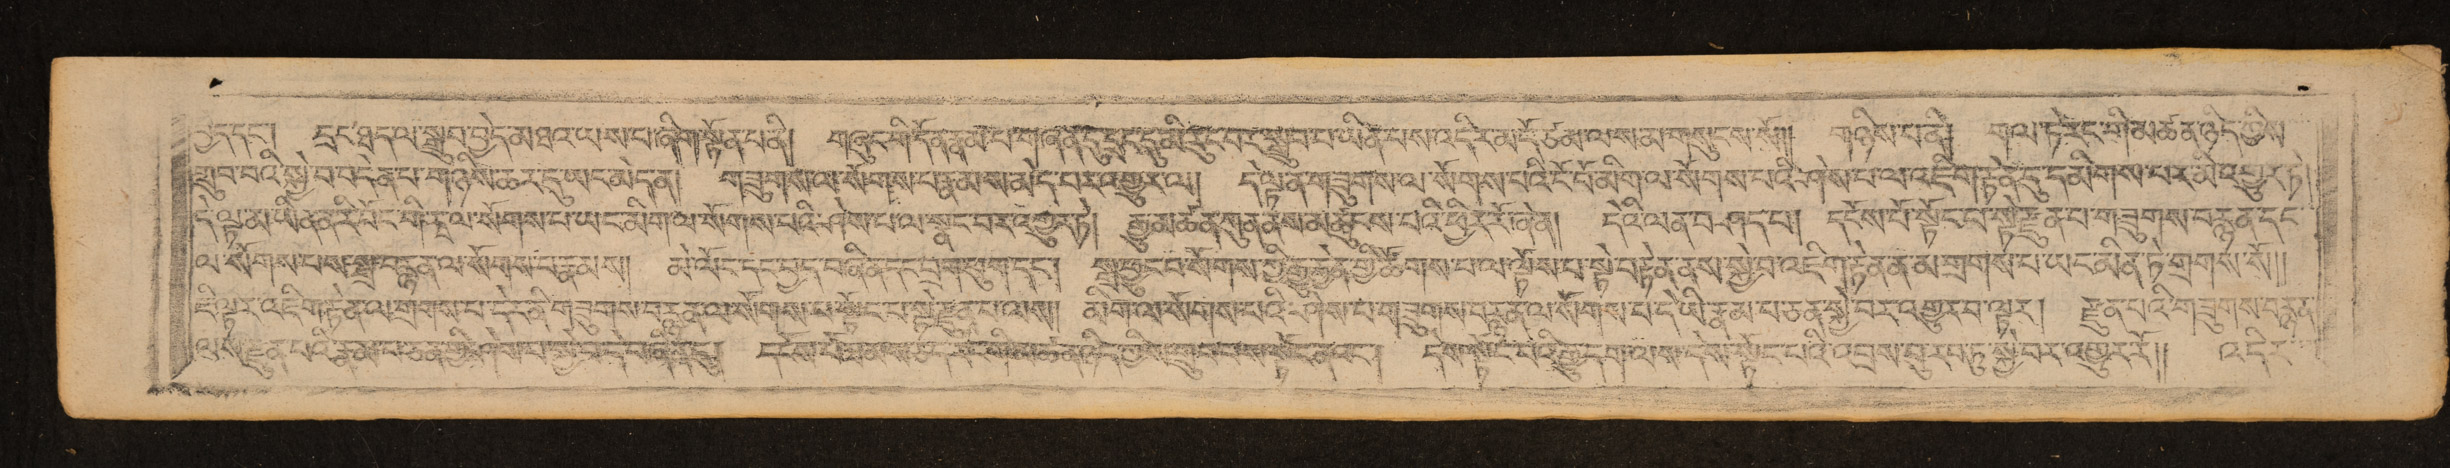བྱེད་དང་། དྲང་ཐད་ལ་སྒྲུབ་བྱེད་མཐའ་ཡས་པ་ཞིག་སྟོན་པ་ནི། གཞུང་གི་དོན་རྣམ་པ་གཞན་དུ་དྲང་དུ་མི་རུང་བར་སྒྲུབ་པ་ཡིན་པས་འདིར་མདོ་ཙམ་ལས་མ་གསུངས་སོ།། གཉིས་པ་ནི། གལ་ཏེ་རང་གི་མཚན་ཉིད་ཀྱིས་
གྲུབ་པའི་སྐྱེ་བ་བདེན་པ་གཉིས་ཆར་དུ་ཡང་མེད་ན། གཟུགས་ལ་སོགས་པ་རྣམས་མེད་པར་འགྱུར་ལ། དེ་ལྟ་ན་གཟུགས་ལ་སོགས་པའི་ངོ་བོ་མིག་ལ་སོགས་པའི་ཤེས་པ་ལ་འཇིག་རྟེན་དུ་དམིགས་པར་མི་འགྱུར་ཏེ།
དེ་ལྟ་མ་ཡིན་ན་རི་བོང་གི་རྭ་ལ་སོགས་པ་ཡང་མིག་ལ་སོགས་པའི་ཤེས་པ་ལ་སྣང་བར་འགྱུར་ཏེ། རྒྱུ་མཚན་ཀུན་ནས་མཚུངས་པའི་ཕྱིར་རོ་ཞེ་ན། དེའི་ལན་བཤད་པ། དངོས་པོ་སྟོང་པ་སྟེ་རྫུན་པ་གཟུགས་བརྙན་དང་
ལ་སོགས་པས་སྒྲ་བརྙན་ལ་སོགས་པ་རྣམས། མེ་ལོང་དང་བྱད་བཞིན་དང་བྲག་ཕུག་དང་། སྒྲ་ཕྱུང་བ་སོགས་ཀྱི་རྒྱུ་རྐྱེན་གྱི་ཚོགས་པ་ལ་ལྟོས་པ་སྟེ་བརྟེན་ནས་སྐྱེ་བ་འཇིག་རྟེན་ན་མ་གྲགས་པ་ཡང་མིན་ཏེ་གྲགས་སོ།།
ཇི་ལྟར་འཇིག་རྟེན་ལ་གྲགས་པ་དེར་ནི་གཟུགས་བརྙན་ལ་སོགས་པ་སྟོང་བ་སྟེ་རྫུན་པ་ལས། མིག་ལ་སོགས་པའི་ཤེས་པ་གཟུགས་བརྙན་ལ་སོགས་པ་དེ་ཡི་རྣམ་པ་ཅན་སྐྱེ་བར་འགྱུར་བ་ལྟར། རྫུན་པའི་གཟུགས་བརྙན་
ལས་རྫུན་པའི་རྣམ་པ་ཅན་གྱི་ཤེས་པ་སྐྱེ་བ་དེ་བཞིན་དུ། དངོས་པོ་ཐམས་ཅད་རང་གི་མཚན་ཉིད་ཀྱིས་གྲུབ་པས་སྟོང་ནའང་། དེས་སྟོང་པའི་རྒྱུ་དག་ལས་དེས་སྟོང་པའི་འབྲས་བུ་རབ་ཏུ་སྐྱེ་བར་འགྱུར་རོ།། འདིར་